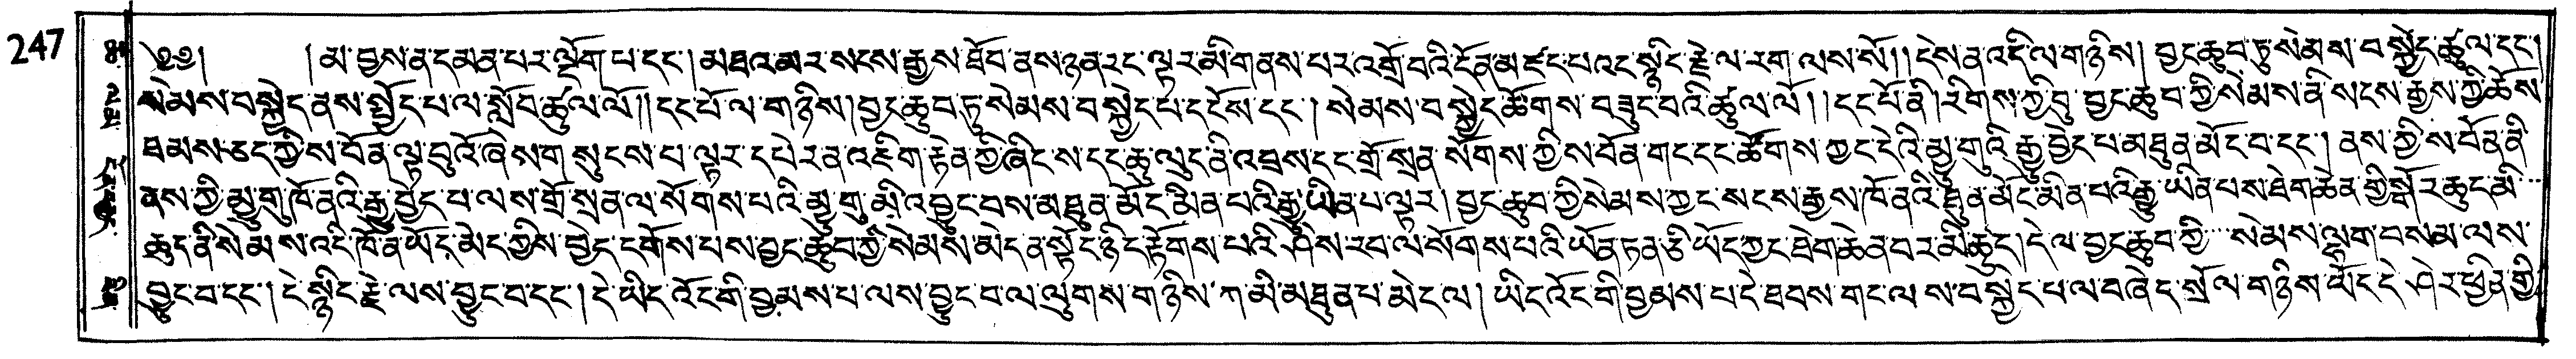༄༅། །མ་བྱས་ན་དམན་པར་ལྡོག་པ་དང་། མཐའ་མར་སངས་རྒྱས་ཐོབ་ནས་ཉན་རང་ལྟར་མི་གནས་པར་འགྲོ་བའི་དོན་མཛད་པའང་སྙིང་རྗེ་ལ་རག་ལས་སོ། །དེས་ན་འདི་ལ་གཉིས། བྱང་ཆུབ་ཏུ་སེམས་བསྐྱེད་ཚུལ་དང་།
སེམས་བསྐྱེད་ནས་སྤྱོད་པ་ལ་སློབ་ཚུལ་ལོ། །དང་པོ་ལ་གཉིས། བྱང་ཆུབ་ཏུ་སེམས་བསྐྱེད་པ་དངོས་དང་། སེམས་བསྐྱེད་ཚོགས་བཟུང་བའི་ཚུལ་ལོ། །དང་པོ་ནི། རིགས་ཀྱི་བུ་བྱང་ཆུབ་ཀྱི་སེམས་ནི་སངས་རྒྱས་ཀྱི་ཆོས་
ཐམས་ཅད་ཀྱི་ས་བོན་ལྟ་བུའོ་ཞེས་གསུངས་པ་ལྟར་དཔེར་ན་འཇིག་རྟེན་ཀྱི་ཞིང་ས་དང་ཆུ་ལུང་ནི་འབྲས་དང་གྲོ་སྲན་སོགས་ཀྱི་ས་བོན་གང་དང་ཚོགས་ཀྱང་དེའི་མྱུ་གུའི་རྒྱུ་བྱེད་པ་མཐུན་མོངས་བ་དང་། ནས་ཀྱི་ས་བོན་ནི་
ནས་ཀྱི་མྱུ་གུ་ཁོ་ནའི་རྒྱུ་བྱེད་པ་ལས་གྲོ་སྲན་ལ་སོགས་པའི་མྱུ་གུ་མི་འབྱུང་བས་མཐུན་མོང་མིན་པའི་རྒྱུ་ཡིན་པ་ལྟར། བྱང་ཆུབ་ཀྱི་སེམས་ཀྱང་སངས་རྒྱས་ཁོ་ནའི་ཐུན་མོང་མིན་པའི་རྒྱུ་ཡིན་པས་ཐེག་ཆེན་གྱི་སྒོར་ཆུད་མི་
ཆུད་ནི་སེམས་འདི་ཁོ་ན་ཡོད་མེད་ཀྱིས་བྱེད་དགོས་པས་བྱང་ཆུབ་ཀྱི་སེམས་མེད་ན་སྟོང་ཉིད་རྟོགས་པའི་ཤེས་རབ་ལ་སོགས་པའི་ཡོན་ཏན་ཅི་ཡོད་ཀྱང་ཐེག་ཆེན་བར་མི་ཆུད། དེ་ལ་བྱང་ཆུབ་ཀྱི་སེམས་ལྷག་བསམ་ལས་
བྱུང་བ་དང་། དེ་སྙིང་རྗེ་ལས་བྱུང་བ་དང་། དེ་ཡིད་འོང་གི་བྱམས་པ་ལས་བྱུང་བ་ལ་ལུགས་གཉིས་ཀ་མི་མཐུན་པ་མེད་ལ། ཡིད་འོང་གི་བྱམས་པ་དེ་ཐབས་གང་ལས་བསྐྱེད་པ་ལ་བཞེད་སྲོལ་གཉིས་ཡོད་དེ་ཤེར་ཕྱིན་གྱི་